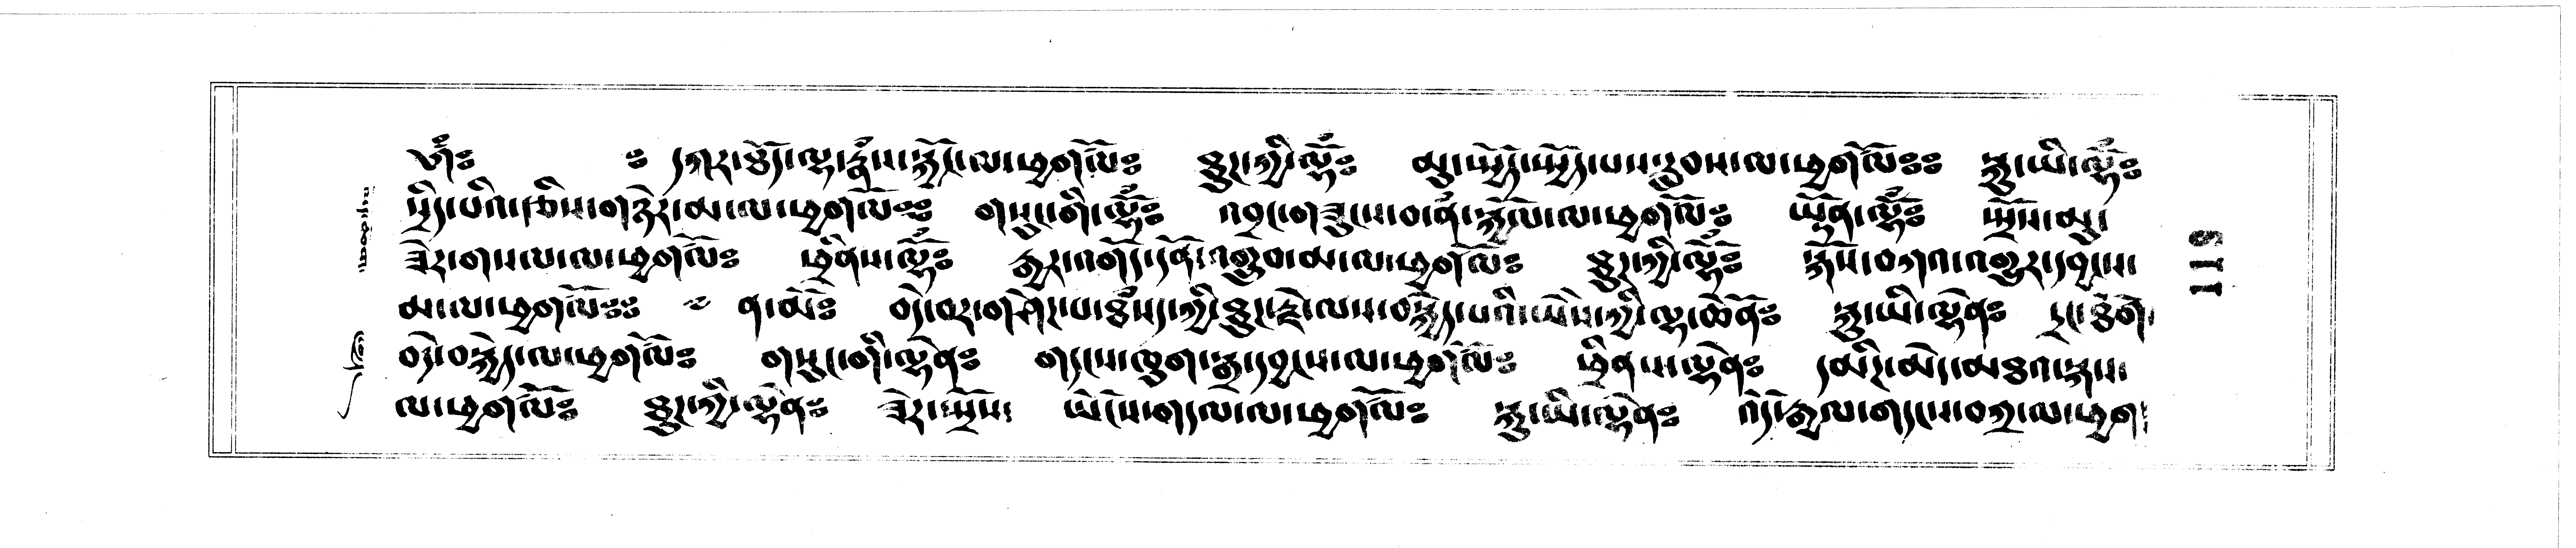དཀར་ཐོད་ལྷ་རྣམས་སྐྱོང་ལ་ཕྱག་འཚལ་ལོཿ ཐུགས་ཀྱི་ལྷ་མོཿ མུ་སྤྱོད་སྤྱོད་པས་རླབས་ལ་ཕྱག་འཚལ་ལོཿ སྐུ་ཡི་ལྷ་མོཿ
 སྲིད་པའི་རྩིས་གཉེར་མ་ལ་ཕྱག་འཚལ་ལོཿ གསུང་གི་ལྷ་མོཿ འབྲང་བཟུང་བ་ནམ་སྐྱོལ་ལ་ཕྱག་འཚལ་ལོཿ ཡོན་ཏན་གྱི་ལྷ་མོཿ སྤྲོས་མུ་
ཟེར་ཏིག་གསལ་ལ་ཕྱག་འཚལ་ལོཿ ཕྲིན་ལས་ཀྱི་ལྷ་མོཿ རྒྱར་འགོད་དོན་གྲུབ་མ་ལ་ཕྱག་འཚལ་ལོཿ ཐུགས་ཀྱི་ལྷ་མོཿ སྐོས་བཀའ་འགྱུར་བྱང་
མ་ལ་ཕྱག་འཚལ་ལོཿ ན་མོ་བདེ་བར་གཤེགས་པ་ཐམས་ཅད་ཀྱི་ཐུགས་རྗེ་ལས་བསྐྱེད་པའི་ཡེ་ཤེས་ཀྱི་ལྷ་ཆེན་པོཿ སྐུ་ཡི་ལྷ་ཆེནཿ དྲང་ཐོག་
བདེ་སྤྱོད་ལ་ཕྱག་འཚལ་ལོཿ གསུང་གི་ལྷ་ཆེནཿ གདངས་ཁུག་སྒྲ་དབྱངས་ལ་ཕྱག་འཚལ་ལོཿ ཡོན་ཏན་གྱི་ལྷ་ཆེནཿ ༼༽ལ་ཕྱག་འཚལ་ལོཿ ཕྲིན་ལས་ཀྱི་ལྷ་ཆེནཿ དམིགས་མེད་མཐའ་སྐས་
ལ་ཕྱག་འཚལ་ལོཿ ཐུགས་ཀྱི་ལྷ་ཆེནཿ ཟེར་སྤྲོས་ཡོངས་བདལ་ལ་ཕྱག་འཚལ་ལོཿ སྐུ་ཡི་ལྷ་ཆེནཿ འོད་རྒྱལ་གདངས་བཀྲ་ལ་ཕྱག་འཚལ་ལོཿ